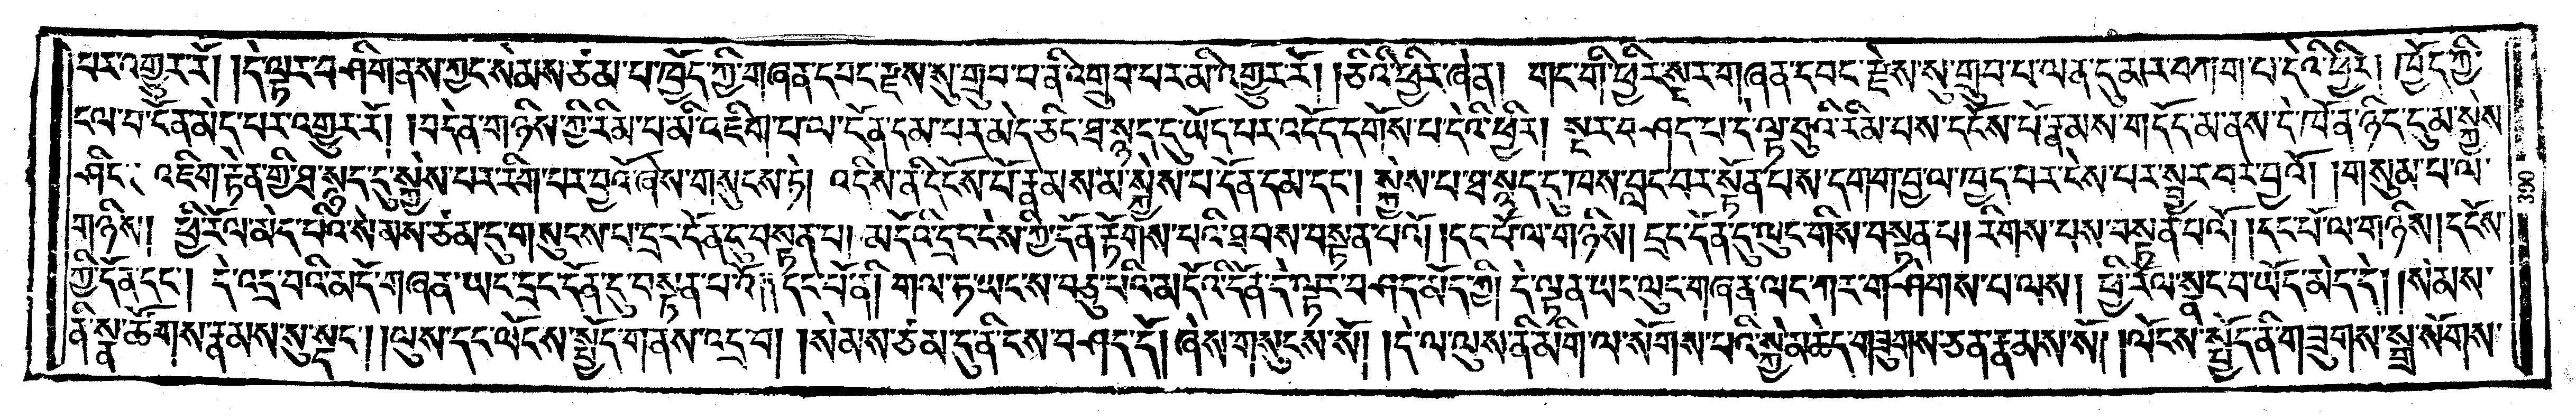པར་འགྱུར་རོ། །དེ་ལྟར་བཤིག་ནས་ཀྱང་སེམས་ཙམ་པ་ཁྱོད་ཀྱི་གཞན་དབང་རྫས་སུ་གྲུབ་པ་ནི་འགྲུབ་པར་མི་འགྱུར་རོ། །ཅིའི་ཕྱིར་ཞེ་ན། གང་གི་ཕྱིར་སྔར་གཞན་དབང་རྫས་སུ་གྲུབ་པ་ལན་དུ་མར་བཀག་པ་དེའི་ཕྱིར། ཁྱོད་ཀྱི་
ངལ་བ་དོན་མེད་པར་འགྱུར་རོ། །བདེན་གཉིས་ཀྱི་རིམ་པ་མི་འཇིག་པ་ལ་དོན་དམ་པར་མེད་ཅིང་ཐ་སྙད་དུ་ཡོད་པར་འདོད་དགོས་པ་དེའི་ཕྱིར། སྔར་བཤད་པ་དེ་ལྟ་བུའི་རིམ་པས་དངོས་པོ་རྣམས་གདོད་མ་ནས་དེ་ཁོ་ན་ཉིད་དུ་མ་སྐྱེས་
ཤིང༑ འཇིག་རྟེན་གྱི་ཐ་སྙད་དུ་སྐྱེས་པར་རིག་པར་བྱའོ་ཞེས་གསུངས་ཏེ། འདིས་ནི་དངོས་པོ་རྣམས་མ་སྐྱེས་པ་དོན་དམ་དང་། སྐྱེས་པ་ཐ་སྙད་དུ་ཁས་བླང་བར་སྟོན་པས་དགག་བྱ་ལ་ཁྱད་པར་ངེས་པར་སྦྱར་བར་བྱའོ། །གསུམ་པ་ལ་
གཉིས། ཕྱི་རོལ་མེད་པའི་སེམས་ཙམ་དུ་གསུངས་པ་དྲང་དོན་དུ་བསྟན་པ། མདོའི་དྲང་ངེས་ཀྱི་དོན་རྟོགས་པའི་ཐབས་བསྟན་པའོ། །དང་པོ་ལ་གཉིས། དྲང་དོན་དུ་ལུང་གིས་བསྟན་པ། རིགས་པས་བསྟན་པའོ། །དང་པོ་ལ་གཉིས། དངོས་
ཀྱི་དོན་དང་། དེ་འདྲ་བའི་མདོ་གཞན་ཡང་དྲང་དོན་དུ་བསྟན་པའོ། །དང་པོ་ནི། གལ་ཏེ་ཡང་ས་བཅུ་པའི་མདོའི་དོན་དེ་ལྟར་བཤད་མོད་ཀྱི། དེ་ལྟ་ན་ཡང་ལུང་གཞན་ལང་ཀར་གཤེགས་པ་ལས། ཕྱི་རོལ་སྣང་བ་ཡོད་མེད་དེ། །སེམས་
ནི་སྣ་ཚོགས་རྣམས་སུ་སྣང་། །ལུས་དང་ལོངས་སྤྱོད་གནས་འདྲ་བ། །སེམས་ཙམ་དུ་ནི་ངས་བཤད་དོ། ཞེས་གསུངས་སོ། །དེ་ལ་ལུས་ནི་མིག་ལ་སོགས་པའི་སྐྱེ་མཆེད་གཟུགས་ཅན་རྣམས་སོ། །ལོངས་སྤྱོད་ནི་གཟུགས་སྒྲ་སོགས་